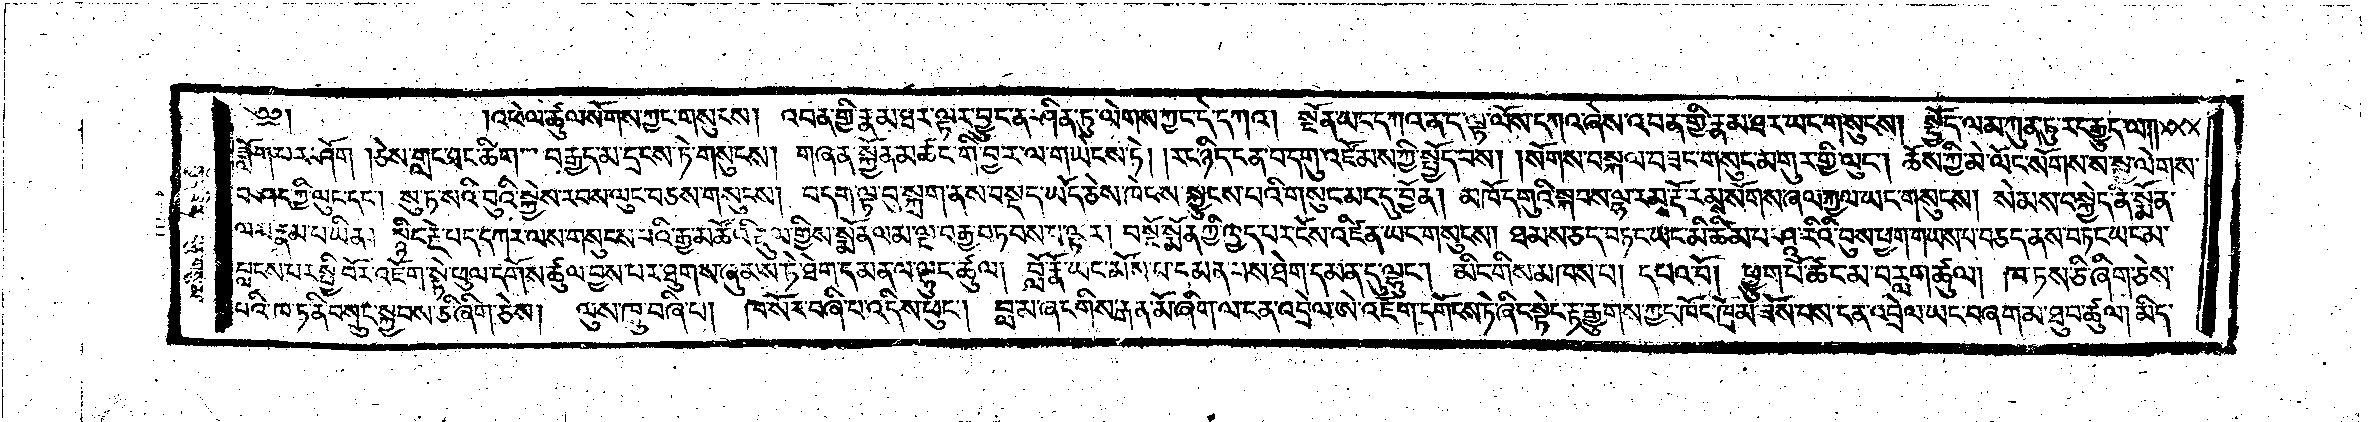༄༅། །འཕེལ་ཚུལ་སོགས་ཀྱང་གསུངས། འབན་གྱི་རྣམ་ཐར་ལྟར་བྱུང་ན་ཤིན་ཏུ་ལེགས་ཀྱང་དེ་དཀའ། སྔོན་ཡང་དཀའ་ན་ད་ལྟ་ལོས་དཀའ་ཞེས་འབན་གྱི་རྣམ་ཐར་ཡང་གསུངས། སྤྱོད་ལམ་ཀུན་ཏུ་རང་རྒྱུད་ལ།། ྾་྾་྾་
ཟློག་པར་ཤོག །ཅེས་གླང་ཐང་ཚིག་བརྒྱད་མ་དྲངས་ཏེ་གསུངས། གཞན་སྐྱོན་མ་ཚང་གི་བྱར་ལ་གཡེངས་ཏེ། །རང་ཉིད་ངན་བ་དགུ་འཛོམས་ཀྱི་སྤྱོད་བས། །སོགས་བསྐལ་བཟང་གསུང་མགུར་གྱི་ལུང་། ཆོས་ཀྱི་མེ་ལོང་སོགས་ས་སྐྱ་ལེགས་
བཤད་ཀྱི་ལུང་དང་། སུ་ཏ་སའི་བུའི་སྐྱེས་རབས་?་བཅས་གསུངས། བདག་ལྟ་བུ་སྐྲག་ནས་བསྡད་ཡོད་ཅེས་ཁེངས་སྐྱུངས་པའི་གསུང་མང་དུ་བྱོན། མཁོ་དགུའི་སྐབས་ལྷ་རམ་རྡོ་རམས་སོགས་ཞལ་ཀྱལ་ཡང་གསུངས། སེམས་བསྐྱེད་ནི་སྨོན་
ལམ་རྣམ་པ་ཡིན། སྙིང་རྗེ་པད་དཀར་ལས་གསུངས་པའི་རྒྱ་མཚོའི་རྡུལ་གྱིས་སྨོན་ལམ་ལྔ་བརྒྱ་བཏབས་པ་ལྟར། བསྔོ་སྨོན་གྱི་ཁྱད་པར་ངོས་འཛིན་ཡང་གསུངས། ཐམས་ཅད་བཏང་ཡང་མི་ཚིམ་པ་ཤཱ་རིའི་བུས་ཕྱག་གཡས་པ་བཅད་ནས་བཏང་ཡང་མ་
བླངས་པར་སྤྱི་བོར་འཇོག་སྟེ་ཕུལ་དགོས་ཚུལ་བྱས་པར་ཐུགས་ཞུ་མས་ཏེ་ཐེག་དམན་ལ་ལྟུང་ཚུལ། བློ་རྣོ་ཡང་མོས་པ་དམན་པས་ཐེག་དམན་དུ་ལྷུང་། མིང་གིས་མཁས་པ། དཔའ་བོ། ཕྱུག་པོ་ཚང་པྨ་བརླག་ཚུལ། ཁ་ཏས་ཅི་ཞིག་ཅེས་
པའི་ཁ་ཏ་ནི་བསྲུང་སྐྱབས་ཅི་ཞིག་ཅེས། ལུས་ཁྲུ་བཞི་པ། ཁ་སོར་བཞི་པ་འདིས་ཕུང་། བླ་མ་ཞང་གིས་རྒན་མོ་ཞིག་ལ་ངན་འབྲེལ་ཨེ་འཇོག་དགོངས་ཏེ་ཞིང་སྟེང་རྟ་རྒྱུགས་ཀྱང་ཁོང་ཁྲོམ་ཟོས་པས་དན་འབྲེལ་ཡང་བཞག་མ་ཐུབ་ཚུལ། མིད་